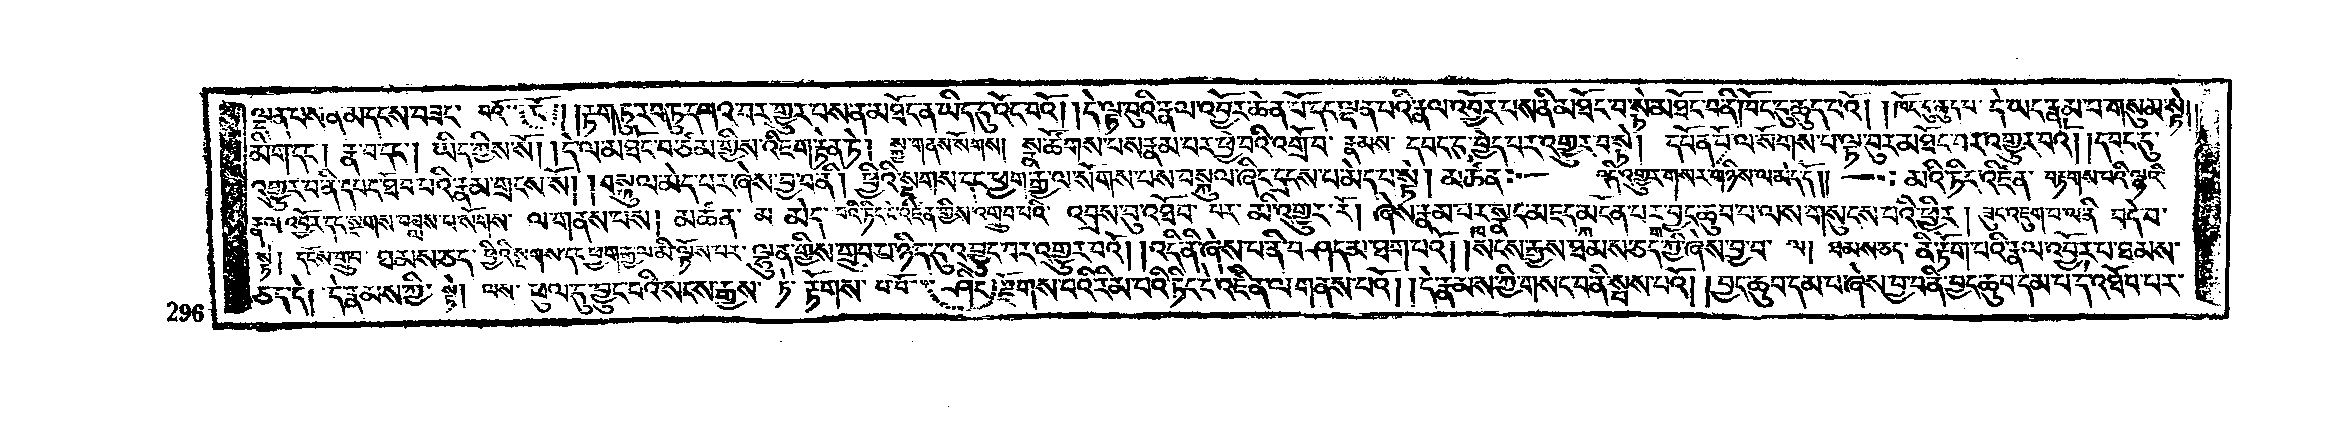ལྡན་པས་ན་མདངས་བཟང་པའོ་ངོ། །རྟག་ཏུ་རབ་ཏུ་དགའ་བར་གྱུར་པས་ན་མཐོང་ན་ཡིད་དུ་འོང་བའོ། །དེ་ལྟ་བུའི་རྣལ་འབྱོར་ཆེན་པོ་དང་ལྡན་པའི་རྣལ་འབྱོར་པས་ནི་མཐོང་བ་སྟེ་མཐོང་བ་ནི་ཁོང་དུ་ཆུད་པའོ། །ཁོང་དུ་ཆུད་པ་དེ་ཡང་རྣམ་པ་གསུམ་སྟེ།
མིག་དང་། རྣ་བ་དང་། ཡིད་ཀྱིས་སོ། །དེ་ལ་མཐོང་བ་ཙམ་གྱིས་འཇིག་རྟེན་ཏེ། སྐྱ་གནས་སོགས།  སྣ་ཚོགས་པས་རྣམ་པར་ཕྱེ་བའི་འགྲོ་བ་རྣམས་དབང་དུ་བྱེད་པར་འགྱུར་བ་སྟེ། དཔོན་པོ་ལ་སོགས་པ་ལྟ་བུར་མཐོང་བར་འགྱུར་བའོ། །དབང་དུ་
འགྱུར་བ་ནི་དབང་ཐོབ་པའི་རྣམ་གྲངས་སོ། །བསྐུལ་མེད་པར་ཞེས་བྱ་བ་ནི། ཕྱིའི་སྔགས་དང་ཕྱག་རྒྱ་ལ་སོགས་པས་བསྐུལ་ཞིང་དྲངས་པ་མེད་པ་སྟེ། མཚན་འདི་འགྱུར་གསར་གཉིས་ལ་མེད་དོ།།  མའི་ཏིང་འཛིན་བརྟགས་པའི་ལྷའི་
རྣལ་འབྱོར་དང་སྔགས་བཟླས་པ་སོགས་ལ་གནས་པས། མཚན་མ་མེད་པའི་ཏིང་ངེ་འཛིན་གྱིས་འགྲུབ་པའི་འབྲས་བུ་འཐོབ་པར་མི་འགྱུར་རོ། ཞེས་རྣམ་པར་སྣང་མཛད་མངོན་པར་བྱང་ཆུབ་པ་ལས་གསུངས་པའི་ཕྱིར། ཟུང་འཇུག་པ་ལ་ནི་བདེ་བ་
སྟེ། དངོས་གྲུབ་ཐམས་ཅད་ཕྱིའི་སྔགས་དང་ཕྱག་རྒྱ་ལ་མི་ལྟོས་པར་ལྷུན་གྱིས་གྲུབ་པ་ཉིད་དུ་འབྱུང་བར་འགྱུར་བའོ། །འདི་ནི་ཞེས་པ་ནི་བཤད་མ་ཐག་པའོ། ། ཁ་སངས་རྒྱས་ཀ་ཐམས་ཅད་ག་ཀྱི་ཞེས་བྱ་བ་ལ། ཐམས་ཅད་ནི་རྟོག་པའི་རྣལ་འབྱོར་པ་ཐམས་
ཅད་དེ། དེ་རྣམས་ཀྱི་སྟེ། ལས་ཕུལ་དུ་བྱུང་བའི་སངས་རྒྱས་ཏེ་རྟོགས་པ་པོ་ཤིང་རྫོགས་པའི་རིམ་པའི་ཏིང་ངེ་འཛིན་ལ་གནས་པའོ། །དེ་རྣམས་ཀྱི་གསང་བ་ནི་སྦས་པའོ། །བྱང་ཆུབ་དམ་པ་ཞེས་བྱ་བ་ནི་བྱང་ཆུབ་དམ་པ་དེ་འཐོབ་པར་